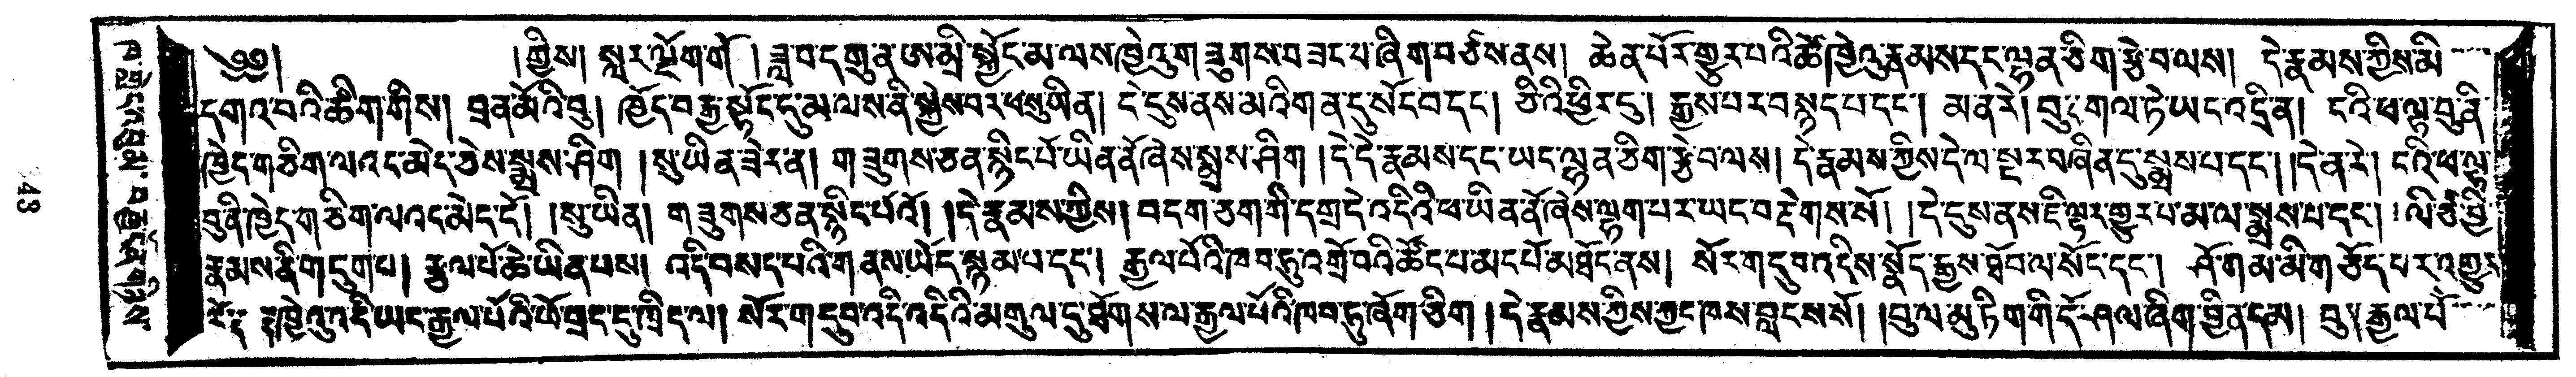༄༅། །གྱིས། སླར་ལྡོག་གོ །ཟླ་བ་དགུ་ན་ཨ་མྲི་སྐྱོང་མ་ལས་ཁྱེའུ་གཟུགས་བཟང་བ་ཞིག་བཙས་ནས། ཆེན་པོར་གྱུར་པའི་ཚེ་ཁྱེའུ་རྣམས་དང་ལྷན་ཅིག་རྩེ་བ་ལས། དེ་རྣམས་ཀྱིས་མི་
དགའ་བའི་ཚིག་གིས། བྲན་མོའི་བུ། ཁྱོད་བརྒྱ་སྟོང་དུ་མ་ལས་ནི་སྐྱེས་བར་ཕ་སུ་ཡིན། དེ་དུས་ནས་མའི་གན་དུ་སོང་བ་དང་། ཅིའི་ཕྱིར་དུ། རྒྱས་པར་བསྙད་པ་དང་། མ་ན་རེ། བུ༑ གལ་ཏེ་ཡང་འདྲི་ན། ངའི་ཕ་ལྟ་བུ་ནི་
ཁྱེད་གཅིག་ལའང་མེད་ཅེས་སྨྲས་ཤིག །སུ་ཡིན་ཟེར་ན། གཟུགས་ཅན་སྙིང་པོ་ཡིན་ནོ་ཞེས་སྨྲས་ཤིག །དེ་དེ་རྣམས་དང་ཡང་ལྷན་ཅིག་རྩེ་བ་ལས། དེ་རྣམས་ཀྱིས་དེ་ལ་སྔར་བཞིན་དུ་སྨྲས་པ་དང་། །དེ་ན་རེ། ངའི་ཕ་ལྟ་
བུ་ནི་ཁྱེད་གཅིག་ལའང་མེད་དོ། །སུ་ཡིན། གཟུགས་ཅན་སྙིང་པོའོ། །དེ་རྣམས་ཀྱིས། བདག་ཅག་གི་དགྲ་དེ་འདིའི་ཕ་ཡིན་ནོ་ཞེས་ལྷག་པར་ཡང་བརྡེགས་སོ། །དེ་དུས་ནས་ཇི་ལྟར་གྱུར་པ་མ་ལ་སྨྲས་པ་དང་། །ལི་ཙ་བྱི་
རྣམས་ནི་གདུག་པ། རྩལ་པོ་ཆེ་ཡིན་པས། འདི་བསད་པའི་གནས་ཡོད་སྙམ་པ་དང་། རྒྱལ་པོའི་ཁབ་ཏུ་འགྲོ་བའི་ཚོང་པ་མང་པོ་མཐོང་ནས། སོར་གདུབ་འདིས་སྣོད་རྒྱས་ཐོབ་ལ་སོང་དང་། ཤོ་གམ་མི་གཅོད་པར་འགྱུར་
རོ༑ ༑ཁྱེའུ་འདི་ཡང་རྒྱལ་པོའི་ཕོ་བྲང་དུ་ཁྲིད་ལ། སོར་གདུབ་འདི་འདིའི་མགུལ་དུ་ཐོགས་ལ་རྒྱལ་པོའི་ཁབ་ཏུ་ཞོག་ཅིག །དེ་རྣམས་ཀྱིས་ཀྱང་ཁས་བླངས་སོ། །བུ་ལ་མུ་ཏིག་གི་དོ་ཤལ་ཞིག་བྱིན་དམ། བུ༑ རྒྱལ་པོ་